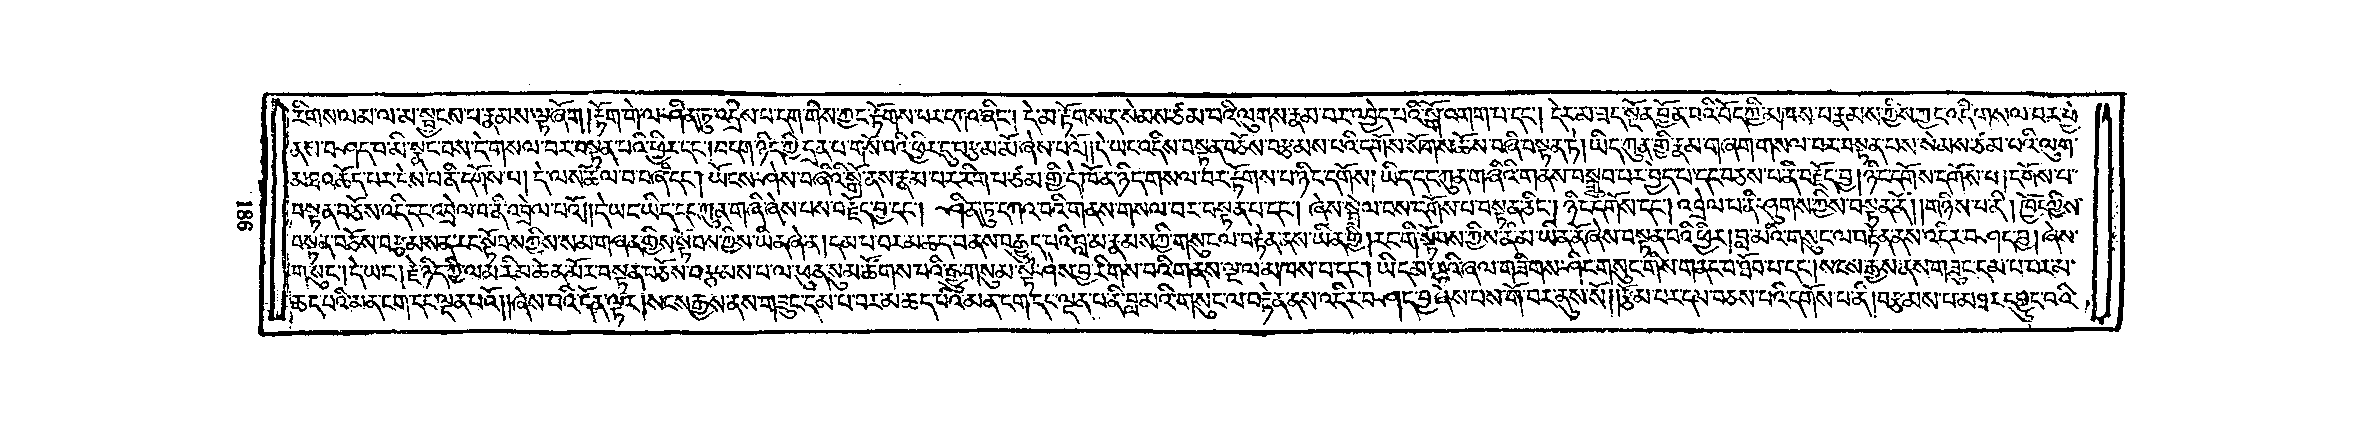རིགས་ལམ་ལ་མ་སྦྱངས་པ་རྣམས་ལྟ་ཞོག །རྟོག་གེ་ལ་ཤིན་ཏུ་འདྲིས་པ་དག་གིས་ཀྱང་རྟོགས་པར་དཀའ་ཞིང་། དེ་མ་རྟོགས་ན་སེམས་ཙམ་པའི་ལུགས་རྣམ་པར་འབྱེད་པའི་སྒོ་འགག་པ་དང་། དེར་མ་ཟད་སྔོན་བྱོན་པའི་བོད་ཀྱི་མཁས་པ་རྣམས་ཀྱིས་ཀྱང་འདི་གསལ་བར་ཕྱེ་
ནས་བཤད་པ་མི་སྣང་བས་དེ་གསལ་བར་བསྟན་པའི་ཕྱིར་དང་། བདག་ཉིད་ཀྱི་དྲན་པ་གསོ་བའི་ཕྱིར་དུ་བརྩམ་མོ་ཞེས་པའོ། །དེ་ཡང་འདིས་བསྟན་བཅོས་བརྩམས་པའི་དགོས་སོགས་ཆོས་བཞི་བསྟན་ཏེ། ཡིད་ཀུན་གྱི་རྣམ་གཞག་གསལ་བར་བསྟན་པས་སེམས་ཙམ་པའི་ལུག་
མཐའ་ཆོད་པར་ངེས་པ་ནི་དགོས་པ། དེ་ལས་ཚོལ་བ་བཞི་དང་། ཡོངས་ཤེས་བཞིའི་སྒོ་ནས་རྣམ་པར་རིག་པ་ཙམ་གྱི་དེ་ཁོ་ན་ཉིད་གསལ་བར་རྟོགས་པ་ཉིད་དགོས། ཡིད་དང་ཀུན་གཞིའི་གནས་བསྒྲུབ་པར་བྱེད་པ་དང་བཅས་པ་ནི་བརྗོད་བྱ། ཉིང་དགོས་དགོས་པ། དགོས་པ་
བསྟན་བཅོས་འདི་དང་འབྲེལ་བ་ནི་འབྲེལ་པའོ། །དེ་ཡང་ཡིད་དང་ཀུན་གཞི་ཞེས་པས་བརྗོད་བྱ་དང་། ཤིན་ཏུ་དཀའ་བའི་གནས་གསལ་བར་བསྟན་པ་དང་། ཞེས་སྦྲེལ་བས་དགོས་པ་བསྟན་ཅིང་། ཉིང་དགོས་དང་། འབྲེལ་པ་ནི་ཤུགས་ཀྱིས་བསྟན་ནོ། །གཉིས་པ་ནི། ཁྱོད་ཀྱིས་
བསྟན་བཅོས་བརྩམས་ན་རང་སྟོབས་ཀྱིས་སམ་གཞན་གྱིས་སྟོབས་ཀྱིས་ཡིན་ཞེ་ན། དམ་པ་བར་མ་ཆད་པ་ནས་བརྒྱུད་པའི་བླ་མ་རྣམས་ཀྱི་གསུང་ལ་བརྟེན་ནས་ཡིན་གྱི། རང་གི་སྟོབས་ཀྱིས་ནི་མ་ཡིན་ནོ་ཞེས་བསྟན་པའི་ཕྱིར། བླ་མའི་གསུང་ལ་བརྟེན་ནས་འདིར་བཤད་བྱ། ཞེས་
གསུང་། དེ་ཡང་། རྗེ་ཉིད་ཀྱི་ལམ་རིམ་ཆེན་མོར་བསྟན་བཅོས་བརྩམས་པ་ལ་ཕུན་སུམ་ཚོགས་པའི་རྒྱུ་གསུམ་སྟེ་ཤེས་བྱ་རིགས་པའི་གནས་ལྔ་ལ་མཁས་པ་དང་། ཡིད་དམ་ལྷའི་ཞལ་གཟིགས་ཤིང་གསུང་གིས་གནང་བ་ཐོབ་པ་དང་། སངས་རྒྱས་ནས་གཟུང་དམ་པ་བར་མ་
ཆད་པའི་མན་ངག་དང་ལྡན་པའོ། །ཞེས་པའི་དོན་ལྟར། སངས་རྒྱས་ནས་གཟུང་དམ་པ་བར་མ་ཆད་པའི་མན་ངག་དང་ལྡན་པ་ནི་བླ་མའི་གསུང་ལ་བརྟེན་ནས་འདིར་བཤད་བྱ་ཞེས་པས་གོ་བར་ནུས་སོ། །རྩོམ་པར་དམ་བཅས་པའི་དགོས་པ་ནི། བརྩམས་པ་མཐར་དབྱུང་བའི་